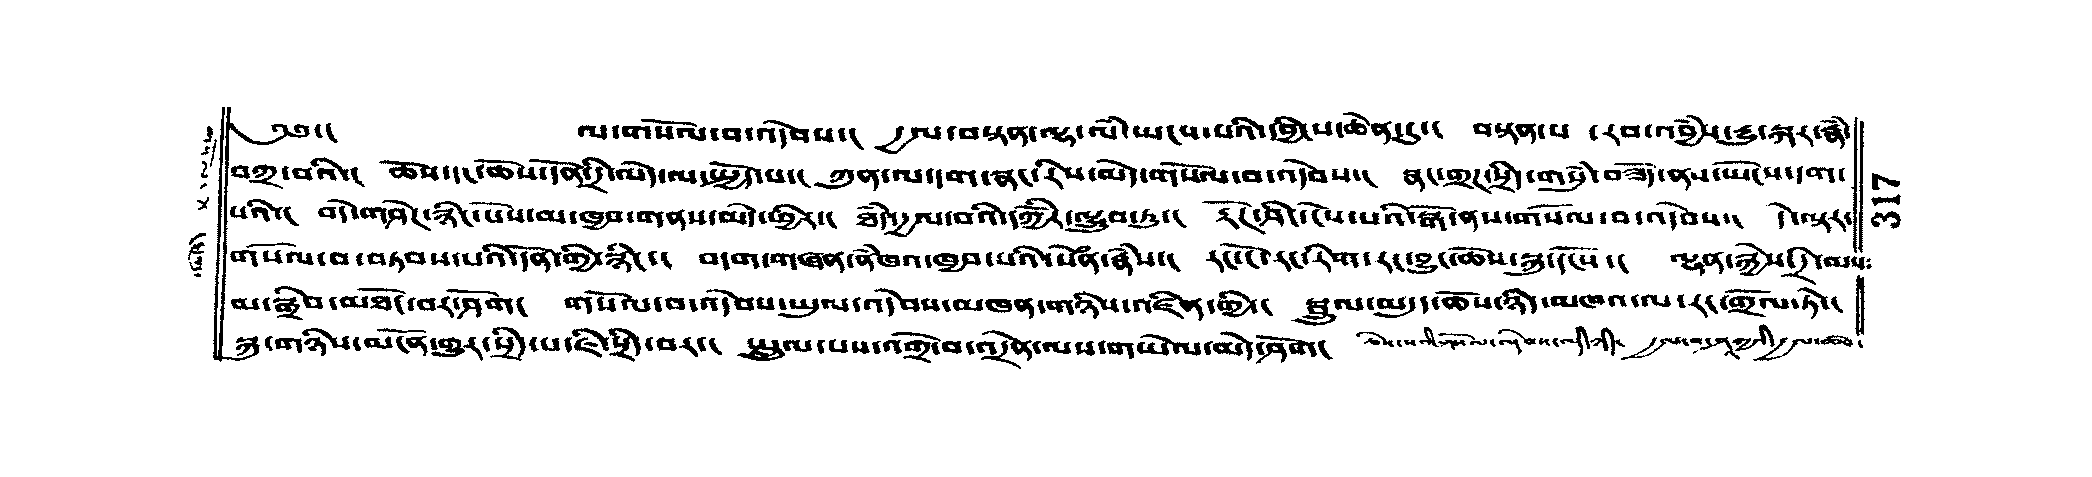ལ་གསོལ་བ་འདེབས། །རྒྱལ་བསྟན་ལྷ་ལམ་ཡངས་པའི་དབྱིངས་ཆེན་དུ། །བསྟན་པ་རབ་འབྱམས་རྒྱུ་སྐར་རྣམ་
བཀྲ་བའི། །ཆོས་དང་ཆོས་དོན་དྲི་མེད་ལ་སྤྱོད་པ། །ཀུན་ལ་དག་སྣང་རིས་མེད་གསོལ་བ་འདེབས། །སྣང་གྲགས་སྲིད་གསུམ་བཟོད་ནས་ཡོངས་དག་
པའི། །བདེ་གཤེགས་སྙིང་པོས་མ་ཁྱབ་གནས་མེད་ཕྱིར། །ཐམས་ཅད་རྒྱལ་བའི་དཀྱིལ་འཁོར་ལྷུན་གྲུབ་ཏུ། །རྟོགས་ཤིང་ངེས་པའི་སྒོ་ནས་གསོལ་བ་འདེབས། །དེ་ལྟར་
གསོལ་བ་བཏབས་པའི་དོན་གྱི་སྙིང་། །བདག་གཞན་ནམ་མཁའ་ཁྱབ་པའི་སེམས་ཅན་རྣམས། །རང་ངོ་རང་རིག་རང་བྱུང་ཆོས་སྐུ་དངོས། །ལྷན་སྐྱེས་དྲི་མས་
མ་སྒྲིབས་མཐོང་བར་ཤོག།གསོལ་བ་འདེབས་ཡུལ་འདེབས་མཁན་གཉིས་འཛིན་གྱི། །སྦྲུལ་མདུད་ཆོས་ཉིད་མཁའ་ལ་རང་གྲོལ་ཏེ། །
སྐུ་གཉིས་མངོན་གྱུར་སྲིད་པ་ཇི་སྲིད་བར། །སྤྲུལ་པས་འགྲོ་བ་འདྲེན་ལས་གཡེལ་མེད་ཤོག ཅེས་པའི་གསོལ་འདེབས་འདི་ཉིད། རྒྱལ་བ་ཤཱཀྱའི་རྒྱལ་ཚབ་